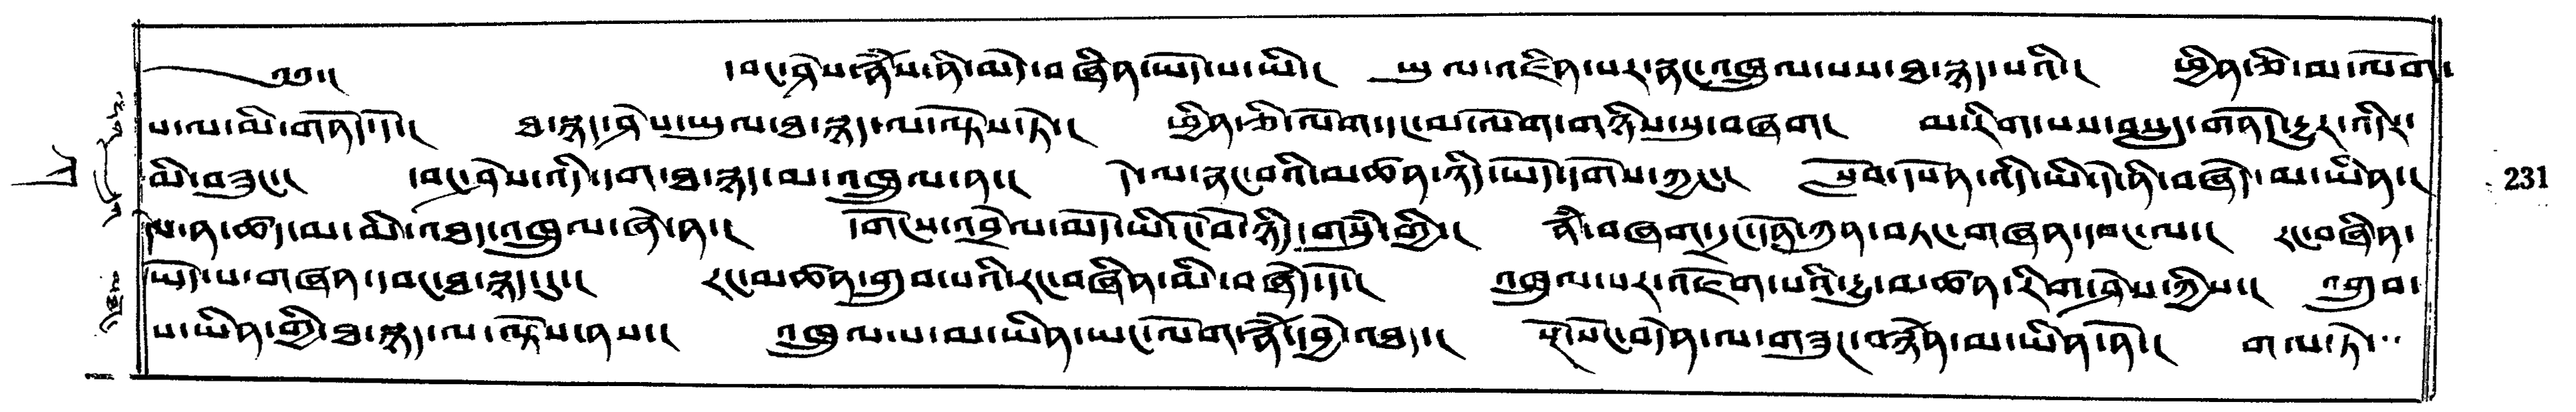།དབང་ཤེས་རྣམས་ནི་མེད་བཞིན་ཡོད་པ་ཡི། །ཡུལ་འཛིན་པར་སྣང་འཁྲུལ་པས་ཐ་སྙད་པའི། །ཕྱིན་ཅི་མ་ལོག་
པ་ལ་མི་གནོད་དོ། །ཐ་སྙད་ཤེས་ཡུལ་ཐ་སྙད་ལ་ལྟོས་ཏེ། །ཕྱིན་ཅི་ལོག་དང་མ་ལོག་གཉིས་སུ་བཞག །མ་རིག་པས་བསླད་གནོད་རྒྱུར་འདིར་
མི་བཟུང་། །དབང་ཤེས་འདི་དག་ཐ་སྙད་མ་འཁྲུལ་ན། །དེ་ལ་སྣང་བའི་མཚན་ཉིད་ཡོད་དགོས་ཀྱང་། །སློབ་དཔོན་འདི་ཡི་དེ་ནི་བཞེད་མ་ཡིན། །
དེས་ན་ཚད་མ་མི་འཐད་འཁྲུལ་ཞེ་ན། །དགོངས་འབྲེལ་མདོ་ཡི་ངོ་བོ་ཉིད་གསུམ་གྱི། །རྣམ་གཞག་དྲང་དོན་ཀུན་བཏགས་གཞན་དབང་ལ། །རང་བཞིན་
ཡོད་པ་གཞན་དབང་ཐ་སྙད་དུ། །རང་མཚན་གྲུབ་པའི་རང་བཞིན་མི་བཞེད་དོ། །འཁྲུལ་པར་འཇོག་པའི་རྒྱུ་མཚན་རིགས་ཤེས་ཀྱིས། །འགྲུབ་
པ་ཡིན་གྱི་ཐ་སྙད་ལ་ལྟོས་ནས། །འཁྲུལ་པ་མ་ཡིན་ཡང་ལོག་རྣམ་དབྱེ་འཐད། །སྔོ་སོགས་བདེན་ལ་བཟུགས་བརྙན་མ་ཡིན་ནོ། །གལ་ཏེ་